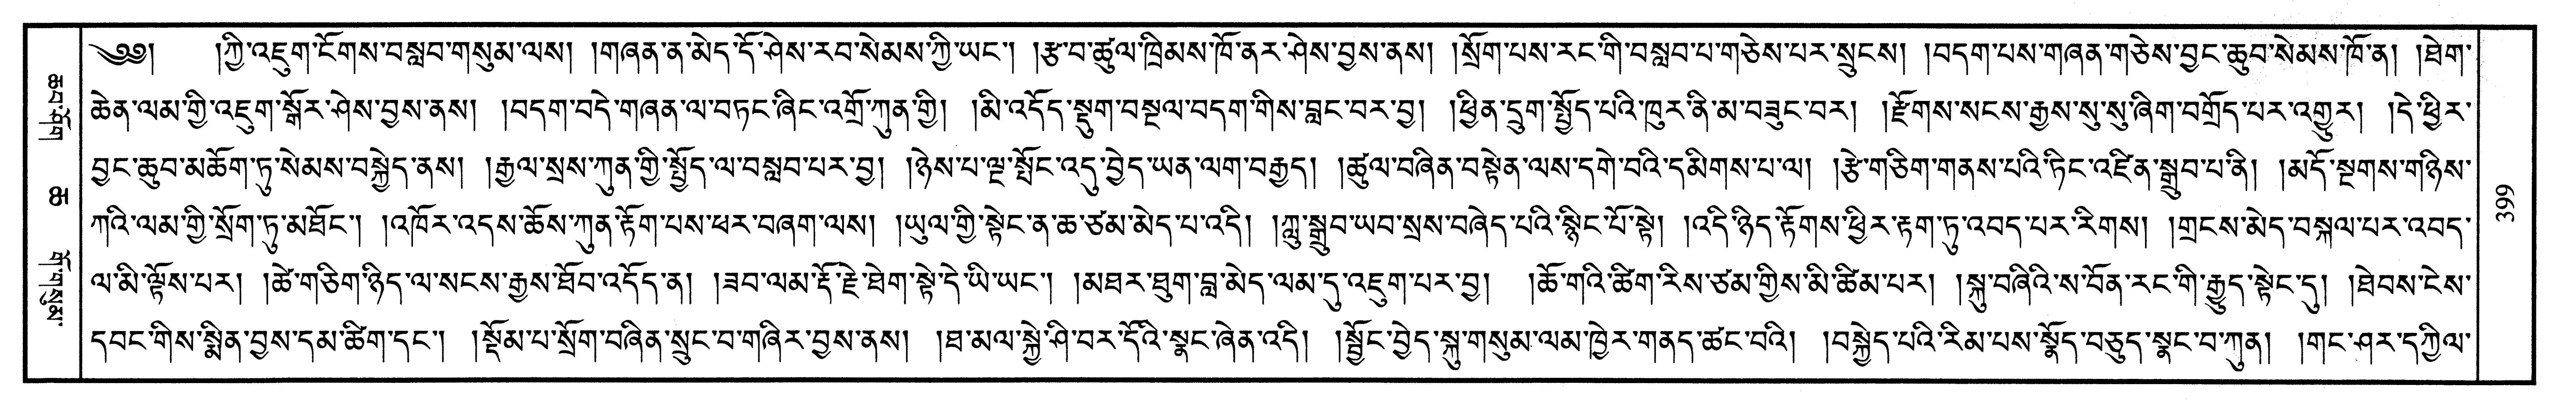༄༅། །ཀྱི་འཇུག་ངོགས་བསླབ་གསུམ་ལས། །གཞན་ན་མེད་དོ་ཤེས་རབ་སེམས་ཀྱི་ཡང་། །རྩ་བ་ཚུལ་ཁྲིམས་ཁོ་ནར་ཤེས་བྱས་ནས། །སྲོག་པས་རང་གི་བསླབ་པ་གཅེས་པར་སྲུངས། །བདག་པས་གཞན་གཅེས་བྱང་ཆུབ་སེམས་ཁོ་ན། །ཐེག་
ཆེན་ལམ་གྱི་འཇུག་སྒོར་ཤེས་བྱས་ནས། །བདག་བདེ་གཞན་ལ་བཏང་ཞིང་འགྲོ་ཀུན་གྱི། །མི་འདོད་སྡུག་བསྔལ་བདག་གིས་བླང་བར་བྱ། །ཕྱིན་དྲུག་སྤྱོད་པའི་ཁུར་ནི་མ་བཟུང་བར། །རྫོགས་སངས་རྒྱས་སུ་སུ་ཞིག་བགྲོད་པར་འགྱུར། །དེ་ཕྱིར་
བྱང་ཆུབ་མཆོག་ཏུ་སེམས་བསྐྱེད་ནས། །རྒྱལ་སྲས་ཀུན་གྱི་སྤྱོད་ལ་བསླབ་པར་བྱ། །ཉེས་པ་ལྔ་སྤོང་འདུ་བྱེད་ཡན་ལག་བརྒྱད། །ཚུལ་བཞིན་བསྟེན་ལས་དགེ་བའི་དམིགས་པ་ལ། །རྩེ་གཅིག་གནས་པའི་ཏིང་འཛིན་སྒྲུབ་པ་ནི། །མདོ་སྔགས་གཉིས་
ཀའི་ལམ་གྱི་སྲོག་ཏུ་མཐོང་། །འཁོར་འདས་ཆོས་ཀུན་རྟོག་པས་ཕར་བཞག་ལས། །ཡུལ་གྱི་སྟེང་ན་ཆ་ཙམ་མེད་པ་འདི། །ཀླུ་སྒྲུབ་ཡབ་སྲས་བཞེད་པའི་སྙིང་པོ་སྟེ། །འདི་ཉིད་རྟོགས་ཕྱིར་རྟག་ཏུ་འབད་པར་རིགས། །གྲངས་མེད་བསྐལ་པར་འབད་
ལ་མི་ལྟོས་པར། །ཚེ་གཅིག་ཉིད་ལ་སངས་རྒྱས་ཐོབ་འདོད་ན། །ཟབ་ལམ་རྡོ་རྗེ་ཐེག་སྟེ་དེ་ཡི་ཡང་། །མཐར་ཐུག་བླ་མེད་ལམ་དུ་འཇུག་པར་བྱ། །ཆོ་གའི་ཚིག་རིས་ཙམ་གྱིས་མི་ཚིམ་པར། །སྐུ་བཞིའི་ས་བོན་རང་གི་རྒྱུད་སྟེང་དུ། །ཐེབས་ངེས་
དབང་གིས་སྨིན་བྱས་དམ་ཚིག་དང་། །སྡོམ་པ་སྲོག་བཞིན་སྲུང་བ་གཞིར་བྱས་ནས། །ཐ་མལ་སྐྱེ་ཤི་བར་དོའི་སྣང་ཞེན་འདི། །སྦྱོང་བྱེད་སྐུ་གསུམ་ལམ་ཁྱེར་གནད་ཚང་བའི། །བསྐྱེད་པའི་རིམ་པས་སྣོད་བཅུད་སྣང་བ་ཀུན། །གང་ཤར་དཀྱིལ་